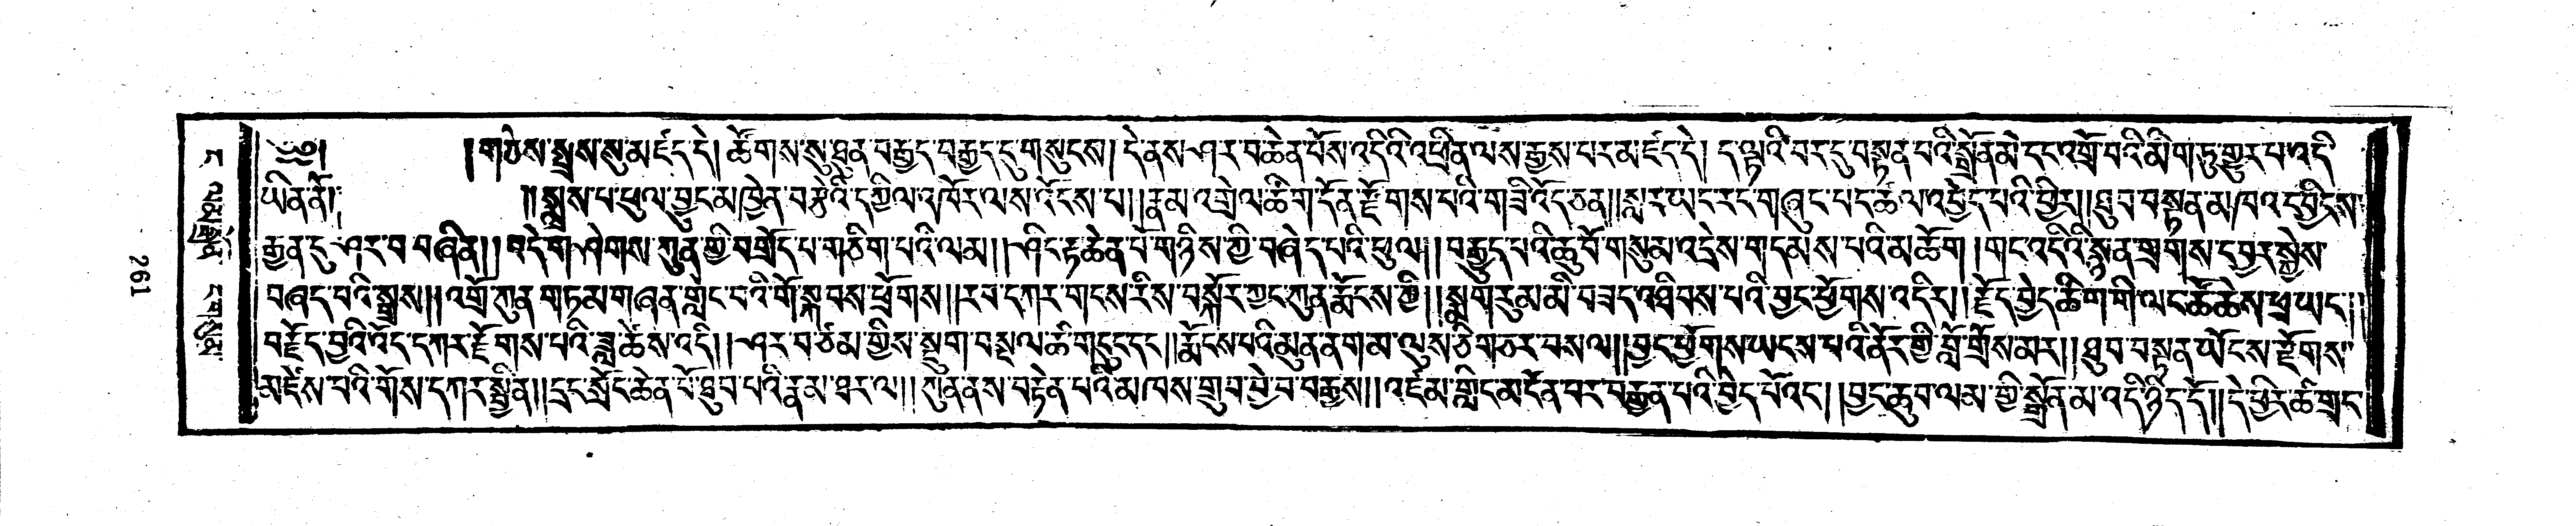༄༅། །གཅེས་སྤྲས་སུ་མཛད་དེ། ཚོགས་སུ་ཐུན་བརྒྱད་བརྒྱད་དུ་གསུངས། དེ་ནས་ཤ་ར་བ་ཆེན་པོས་འདིའི་འཕྲིན་ལས་རྒྱས་པར་མཛད་དེ། ད་ལྟའི་བར་དུ་བསྟན་པའི་སྒྲོན་མེ་དང་འགྲོ་བའི་མིག་ཏུ་གྱུར་པ་འདི་
ཡིན་ནོ།། །།སྨྲས་པ་ཕུལ་བྱུང་མཁྱེན་བརྩེའི་དཀྱིལ་འཁོར་ལས་འོངས་པ། །རྣམ་འགྲེལ་ཚིག་དོན་རྫོགས་པའི་གཟི་འོད་ཅན། །སླར་ཡང་རང་གཞུང་པད་ཚལ་འབྱེད་པའི་ཕྱིར། །ཐུབ་བསྟན་མཁའ་དབྱིངས་
རྒྱན་དུ་ཤར་བ་བཞིན། །བདེ་གཤེགས་ཀུན་གྱི་བགྲོད་པ་གཅིག་པའི་ལམ། །ཤིང་རྟ་ཆེན་པོ་གཉིས་ཀྱི་བཞེད་པའི་ཕུལ། །བརྒྱུད་པའི་ཆུ་བོ་གསུམ་འདྲེས་གདམས་པའི་མཆོག །གང་འདིའི་སྙན་གྲགས་དབྱར་སྐྱེས་
བཞད་པའི་སྒྲས། །འགྲོ་ཀུན་གཏམ་གཞན་གླེང་བའི་གོ་སྐབས་ཕྲོགས། །རབ་དཀར་གངས་རིས་བསྐོར་ཀྱང་ཀུན་རྨོངས་ཀྱི། །སྨག་རུམ་མི་བཟད་འཐིབས་པའི་བྱང་ཕྱོགས་འདིར། །རྗོད་བྱེད་ཚིག་གི་ལང་ཚོ་ཆེས་ཕྲ་ཡང།།
བརྗོད་བྱའི་འོད་དཀར་རྫོགས་པའི་ཟླ་ཚེས་འདི། །ཤར་བ་ཙམ་གྱིས་སྡུག་བསྔལ་ཚ་གདུང་དང་། །རྨོངས་པའི་མུན་ནག་མ་ལུས་ཅིག་ཅར་བསལ། །བྱང་ཕྱོགས་ཡངས་པའི་ནོར་གྱི་བློ་གྲོས་མར། །ཐུབ་བསྟན་ཡོངས་རྫོགས་
མཛེས་པའི་གོས་དཀར་སྦྱིན། །དྲང་སྲོང་ཆེན་པོ་ཐུབ་པའི་རྣམ་ཐར་ལ། །ཀུན་ནས་བརྟེན་པའི་མཁས་གྲུབ་བྱེ་བ་བརྒྱས། །འཛམ་གླིང་མངོན་པར་བརྒྱན་པའི་བྱེད་པོའང་། །བྱང་ཆུབ་ལམ་གྱི་སྒྲོན་མ་འདི་ཉིད་དོ། །དེ་ཕྱིར་ཚ་གྲང་